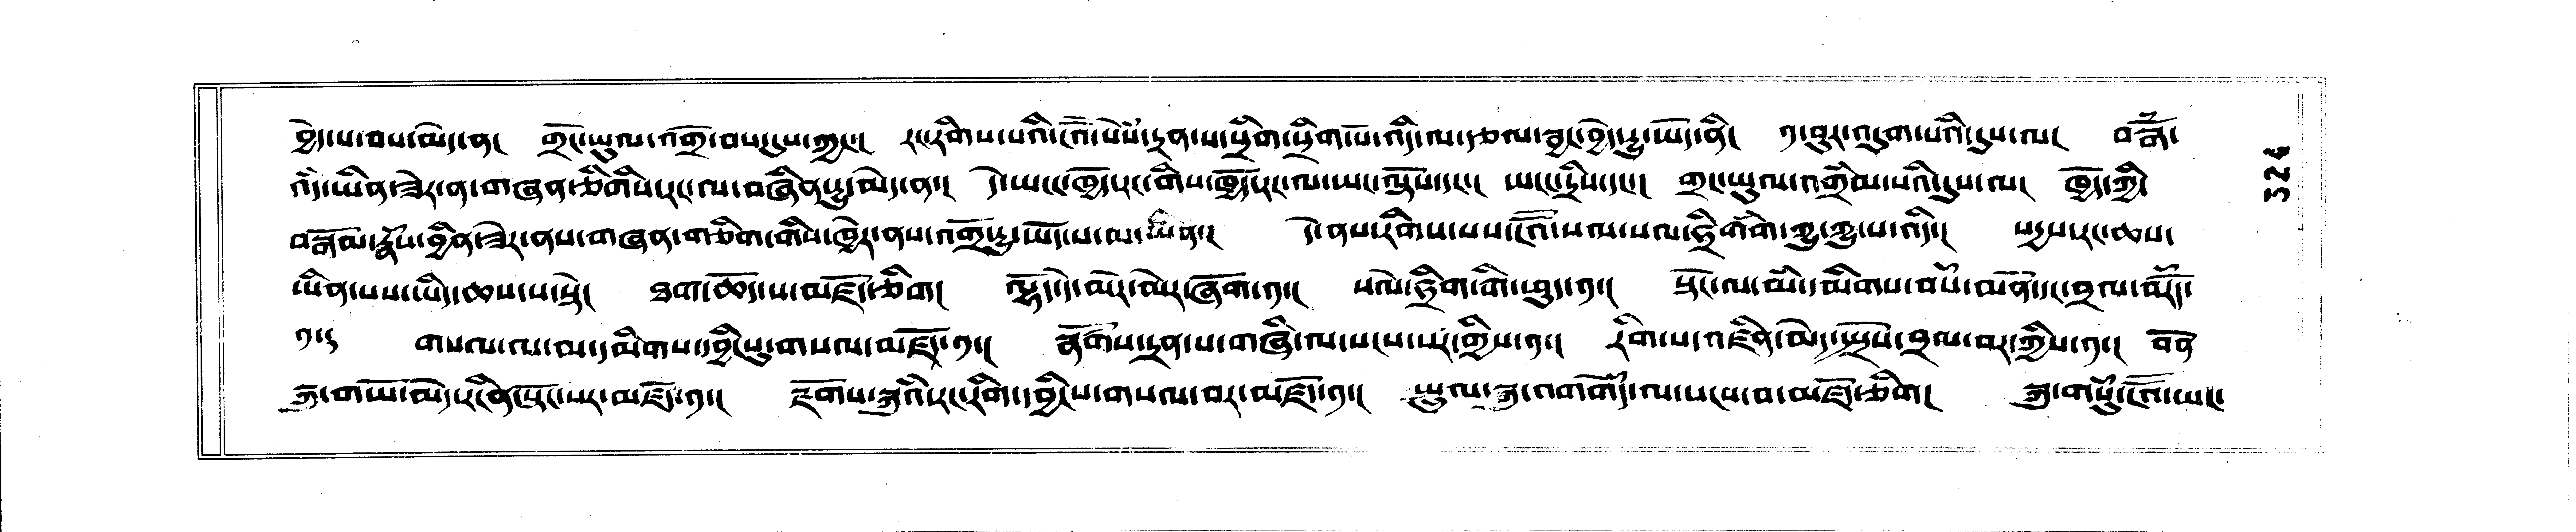བྱེད་བེས་ཨེ་མེད་ན། གྲོང་ཡུལ་ན་འགྲོ་བའི་དུས་ཀྱང་། རང་ལ་རིག་པའི་ངོའོ་པྲིག་པྲིག་པོ་འདི་ལ། རྩལ་སྦྱང་བྱེད་རྒྱུ་ནི་ཡོད་ན། ཅིག་བུར་འདུག་པའི་དུས་ལ། སྒོམ་
འདི་ཡིན་ཟེར་ནས། གཞན་ཅིག་གིས་རང་ལ་བཞིན་མི་མེད་བསམ་ན། ད་ཡང་ཡང་ཁྱོད་རང་གིས་ཁྱོད་རང་ལ་ཡང་ལྟོས་དང་། ཡང་ཡང་དྲིས་དང་། གྲོང་ཡུལ་འདྲིམ་པའི་དུས་ལ། ཁྱོད་ཀྱིས་
སྒོམས་བྱིན་ཟེར་ནས་གཞན་ཅིག་གིས་ཁྱེར་ནས་འགྲོ་རྒྱུ་ཡོད་པ་མ་ཡིན། དེ་བེས་ན་རང་གིས་རིག་པ་སལ་སལ་ཧྲིག་ཧྲིག་ཀྱུ་ཀྱུ་པོ་འདི་སངས་རྒྱས་རང་ཆས་
ཡིན་པས་ཡིད་ཆེས་ཐག་ཆོད་པར་མཛོད་ཅིག ལྷོད་དེ་མེར་རེ་ཞོགས། སལེ་ཧྲིག་གེ་གྱིསགཅིག སྟོང་ལ་མི་དམིགས་བསམ་མནོ་བྲལ་བར་མཛོད་
ཅིག གསལ་ལ་འཛིན་མེད་དབྱིངས་སུ་རྒྱས་པར་མཛོད་ཅིག སྣ་ཚོགས་དྲན་པ་གཞི་ལ་སངས་པར་གྱིས་ཤིག རིག་པ་འཛིན་མེད་སྤྲོས་དང་བྲལ་བར་གྱིས་ཤིག བོན་
སྐུ་གཡོ་མེད་རང་འཛིན་སྟོང་པར་མཛོད་ཅིག རྫོགས་སྐུ་རང་རིག་དབྱིངས་སུ་གསལ་བར་མཛོད་ཅིག སྤྲུལ་སྐུ་འགག་མེད་གཞི་ལ་སངས་པར་མཛོད་ཅིག སྐུ་གསུམ་གྱིས་ངོའོ་ཡང་